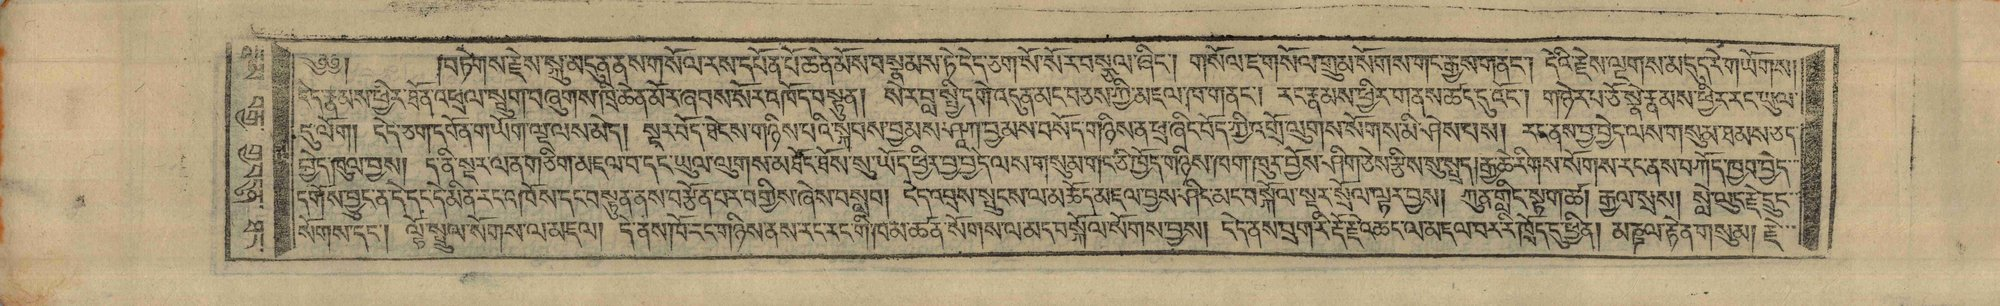༄༅། །བཏེགས་རྗེས་སྐུ་མདུན་ནས་གསོལ་རས་དཔོན་པོ་ཆེན་མོས་བསྣམས་ཏེ་ངེད་ཅག་སོ་སོར་བསྩལ་ཞིང་། གསོལ་ཇ་གསོལ་གྲུམ་སོགས་གང་རྒྱས་གནང་། དེའི་རྗེས་ལྔགས་མདུད་རེ་གཡོགས།
ངེད་རྣམས་ཕྱིར་ཐོན་འཕྲལ་སྦུག་བཞུགས་ཁྲི་ཆེན་མོར་ཞབས་སོར་འཁོད་བསྟུན། སེ་ར་བླ་སྤྱི་དགེ་འདུན་མང་བཅས་ཀྱི་མཇལ་ཁ་གནང་། རང་རྣམས་ཕྱིར་གནས་ཚང་དུ་འོང་། གཉེར་པ་ཅོ་སྣེ་རྣམས་ཕྱིར་རང་ཡུལ་
དུ་ལོག །ངེད་ཅག་དཔོན་གཡོག་ལྔ་ལས་མེད། སྔར་བོད་ཐེངས་གཉིས་པའི་སྐབས་བྱམས་ཤཱཀ་བྱམས་བསོད་གཉིས་ན་ཕྲ་ཞིང་བོད་ཀྱི་འགྲོ་ལུགས་སོགས་མི་ཤེས་པས། རང་ནས་བྱ་བྱེད་ལས་གསུམ་ཐམས་ཅད་
བྱེད་ཁུལ་བྱས། ད་ནི་སྔར་ལན་གཅིག་མཇལ་བ་དང་ཡུལ་ལུགས་མཐོང་ཐོས་སུ་ཡོད་ཕྱིར་བྱ་བྱེད་ལས་གསུམ་གང་ཅི་ཁྱོད་གཉིས་ཁག་ཁུར་བྱོས་ཤིག་ཅེས་རྩིས་སུ་སྤྲད། རྒྱ་ཆེ་རིགས་སོགས་རང་ནས་བཀོད་ཁྱབ་བྱེད་
དགོས་བྱུང་ན་དེ་དང་དེ་མིན་རང་འཁོས་དང་བསྟུན་ནས་བརྩོན་པར་བགྱིས་ཞེས་བསླབ། ངེད་འབྲས་སྤུངས་ལ་མཆོད་མཇལ་བྱས་ཤིང་མང་བསྐོལ་སྔར་སྲོལ་ལྟར་བྱས། ཀུན་གླིང་སྟག་ཚ། རྒྱལ་སྲས། སླེ་ལུང་རྗེ་དྲུང་
སོགས་དང་། ལྷོ་སྤྲུལ་སོགས་ལ་མཇལ། དེ་ནས་ཁོ་རང་གཉིས་ནས་རང་རང་གི་ཁམ་ཚན་སོགས་ལ་མང་བསྐོལ་སོགས་བྱས། ངེད་ནས་བྲག་རི་རྡོ་རྗེ་འཆང་ལ་མཇལ་བར་རི་ཁྲོད་དུ་ཕྱིན། མཎྜལ་རྟེན་གསུམ། རྗེ་